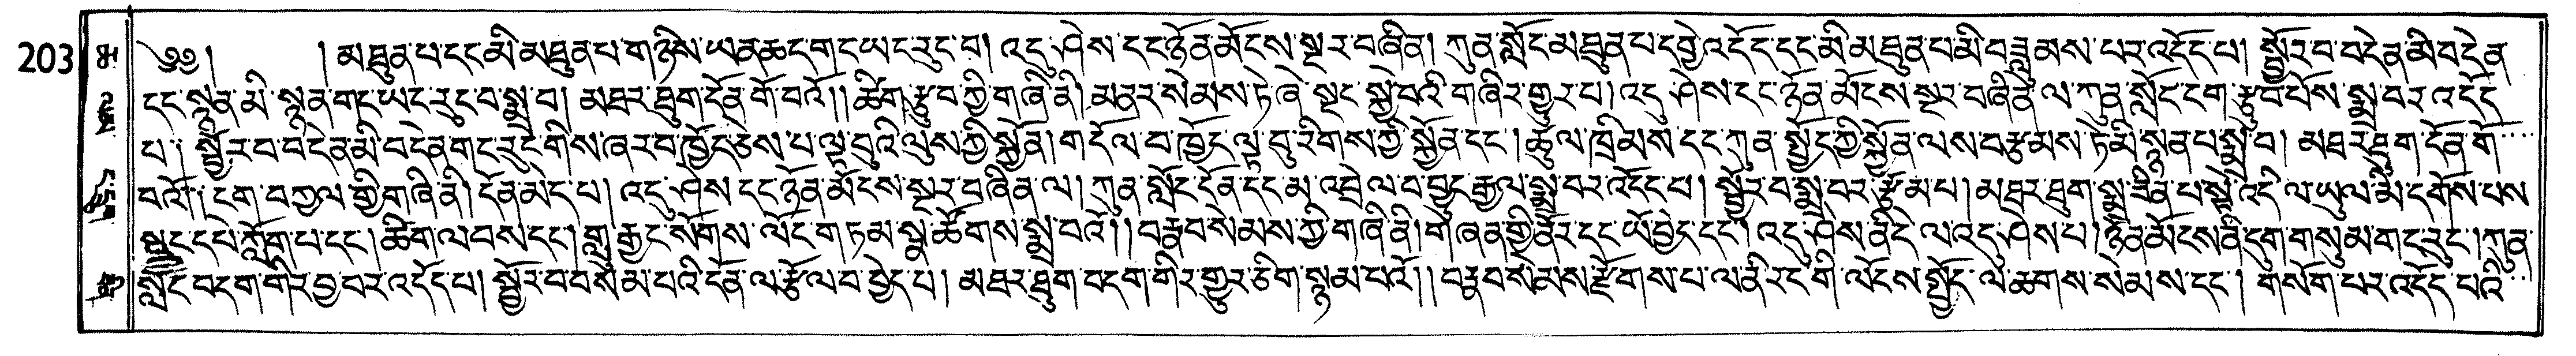༄༅། །མཐུན་པ་དང་མི་མཐུན་པ་གཉིས་ཡན་ཆད་གང་ཡང་རུང་བ། འདུ་ཤེས་དང་ཉོན་མོངས་སྔར་བཞིན། ཀུན་སློང་མཐུན་པ་དབྱེ་འདོད་དང་མི་མཐུན་པ་མི་བཟླུམས་པར་འདོད་པ། སྦྱོར་བ་བདེན་མི་བདེན་
དང་སྙན་མི་སྙན་གང་ཡང་རུང་བ་སྨྲ་བ། མཐར་ཐུག་དོན་གོ་བའོ། །ཚིག་རྩུབ་ཀྱི་གཞི་ནི། མནར་སེམས་ཏེ་ཞེ་སྡང་སྐྱེ་བའི་གཞིར་གྱུར་པ། འདུ་ཤེས་དང་ཉོན་མོངས་སྔར་བཞིན་ལ་ཀུན་སློང་ངག་རྩུབ་པོས་སྨྲ་བར་འདོད་
པ༑ སྦྱོར་བ་བདེན་མི་བདེན་གང་རུང་གིས་ཞར་བ་ཁྱོད་ཅེས་པ་ལྟ་བུའི་ལུས་ཀྱི་སྐྱོན། གདོལ་བ་ཁྱོད་ལྟ་བུ་རིགས་ཀྱི་སྐྱོན་དང་། ཚུལ་ཁྲིམས་དང་ཀུན་སྤྱོད་ཀྱི་སྐྱོན་ལས་བརྩམས་ཏེ་མི་སྙན་པ་སྨྲ་བ། མཐར་ཐུག་དོན་གོ་
བའོ༑ ༑ངག་བཀྱལ་གྱི་གཞི་ནི། དོན་མེད་པ། འདུ་ཤེས་དང་ཉོན་མོངས་སྔར་བཞིན་ལ། ཀུན་སློང་དོན་དང་མ་འབྲེལ་བ་བྱུང་རྒྱལ་སྨྲ་བར་འདོད་པ། སྦྱོར་བ་སྨྲ་བར་རྩོམ་པ། མཐར་ཐུག་སྨྲ་ཟིན་པ་སྟེ་འདི་ལ་ཡུལ་མི་དགོས་པས་
སྤྲུང་དཔེ་ཀློག་པ་དང་། ཚིག་ལབས་དང་། གླུ་རྒྱང་སོགས་ལོང་གཏམ་སྣ་ཚོགས་སྨྲ་བའོ། །བརྣབ་སེམས་ཀྱི་གཞི་ནི། གཞན་གྱི་ནོར་དང་ཡོ་བྱེད་དང་། འདུ་ཤེས་ནི་དེ་ལ་འདུ་ཤེས་པ། ཉོན་མོངས་ནི་དུག་གསུམ་གང་རུང་། ཀུན་
སློང་བདག་གིར་བྱ་བར་འདོད་པ། སྦྱོར་བ་བསམ་པའི་དོན་ལ་རྩོལ་བ་བྱེད་པ། མཐར་ཐུག་བདག་གིར་གྱུར་ཅིག་སྙམ་པའོ། །བརྣབ་སེམས་རྫོགས་པ་ལ་ནི་རང་གི་ལོངས་སྤྱོད་ལ་ཆགས་སེམས་དང་། གསོག་པར་འདོད་པའི་